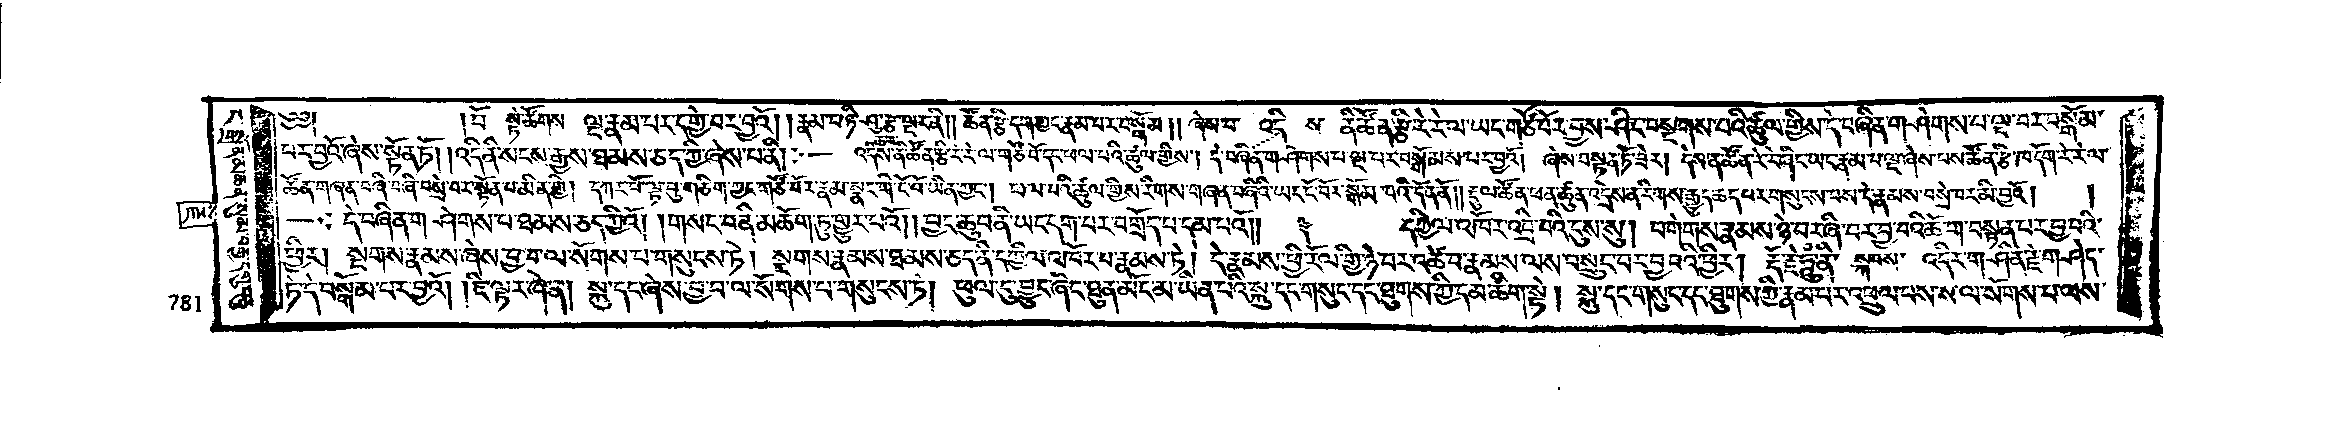༄༅། །པོ་སྟེ་ཚོགས་ལྔ་རྣམ་པར་དགྱེ་བར་བྱའོ། ། རྣམ་པ་ཉི་ཤུ་རྩ་ལྔར་ནི། །ཚོན་རྩི་དག་ཀྱང་རྣམ་པར་བསྒོམ། །ཞེས་པ་འདི་ས་ནི་ཚོན་རྩི་རེ་རེ་ལ་ཡང་གཙོ་བོར་བྱས་ཤིང་བསྔགས་པའི་ཚུལ་གྱིས་དེ་བཞིན་གཤེགས་པ་ལྔར་བར་བསྒོམ་
པར་བྱའོ་ཞེས་སྟོན་ཏོ། །འདི་ནི་སངས་རྒྱས་ཐམས་ཅད་ཀྱི་ཞེས་པ་ནི།H.་འདིས་ཆགས་ནི་ཚོན་རྩི་རེ་རེ་ལ་གཙོ་བོ་དང་ཕལ་པའི་ཚུལ་གྱིས། དེ་བཞིན་གཤགས་པ་ལྔ་པར་བསྒོམས་པར་བྱའོ། ཞེས་བསྟན་ཏོ་ཟེར། དེས་ན་ཚོན་རེ་རེ་ཞིང་ཡང་རྣམ་པ་ལྔ་ཞེས་པས་ཚོན་རྩི་ཁ་དོག་རེ་རེ་ལ་
ཚོན་གཞན་བཞི་བཞི་བསྲེ་བར་སྟོན་པ་མིན་གྱི། དཀར་པོ་ལྟ་བུ་གཅིག་ཀྱང་གཙོ་བོར་རྣམ་སྣང་གི་ངོ་བོ་ཡིན་ཀྱང་། ཕལ་པའི་ཚུལ་གྱིས་རིགས་གཞན་བཞིའི་ཡང་ངོར་སྒོམ་པའི་དོན་ནོ། །རྡུལ་ཚོན་ཕན་ཚུན་འདྲེས་ནི་རིགས་རྒྱུད་ཆད་པར་གསུངས་པས་དེ་རྣམས་བསྲེ་བར་མི་བྱའོ། །
.H དེ་བཞིན་གཤེགས་པ་ཐམས་ཅད་ཀྱིའོ། །གསང་བ་ནི་མཆོག་ཏུ་གྱུར་པའོ། །བྱང་ཆུབ་ནི་ཡང་དག་པར་བགྲོད་པར་དམ་པའོ།། ༈ དཀྱིལ་འཁོར་འབྲི་བའི་དུས་སུ། བགེགས་རྣམས་ཉེ་བར་ཞི་བར་བྱ་བའི་ཆོ་ག་བསྟན་པར་བྱ་བའི་
ཕྱིར། སྔགས་རྣམས་ཞེས་བྱ་བ་ལ་སོགས་པ་གསུངས་ཏེ། སྔགས་རྣམས་ཐམས་ཅད་ནི་དཀྱིལ་འཁོར་པ་རྣམས་ཏེ། དེ་རྣམས་ཕྱི་རོལ་གྱི་ཉེ་བར་འཚེ་བ་རྣམས་ལས་བསྲུང་བར་བྱ་བའི་ཕྱིར། རྡོ་རྗེ་ཧཱུཾ་ནི་སྐབས་འདིར་གཤིན་རྗེ་གཤེད་
ཏེ་དེ་བསྒོམ་པར་བྱའོ། །ཇི་ལྟར་ཞེ་ན། སྐྱ་དང་ཞེས་བྱ་བ་ལ་སོགས་པ་གསུངས་ཏེ། ཕུལ་དུ་བྱུང་ཞིང་ཐུན་མོང་མ་ཡིན་པའི་སྐུ་དང་གསུང་དང་ཐུགས་ཀྱི་དམ་ཚིགས་སྟེ། སྐུ་དང་གསུང་དང་ཐུགས་ཀྱི་རྣམ་པར་འཕྲུལ་པས་ས་ལ་སོགས་པ་ལས་